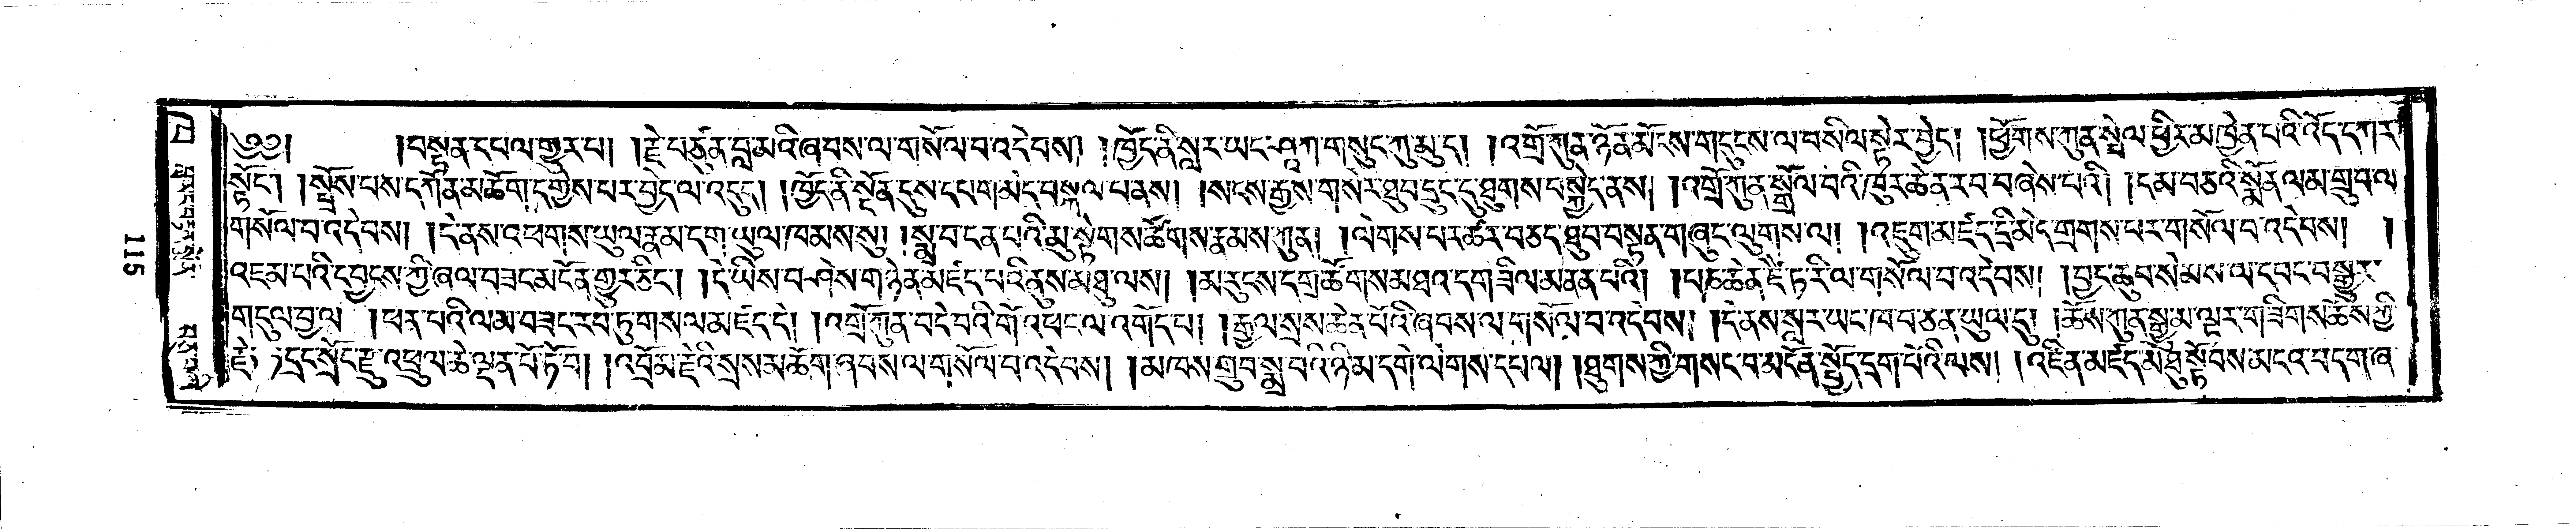༄༅། །བསྟན་དཔལ་གྱུར་པ། །རྗེ་བཙུན་བླ་མའི་ཞབས་ལ་གསོལ་བ་འདེབས། །ཁྱོད་ནི་སླར་ཡང་ཤཱཀ་གསུང་ཀུ་མུ་ད། །འགྲོ་ཀུན་ཉོན་མོངས་གདུངས་ལ་བསིལ་སྟེར་བྱེད། །ཕྱོགས་ཀུན་སྤེལ་ཕྱིར་མཁྱེན་པའི་འོད་དཀར་
སྟོང་། །སྤྲོས་པས་དཀོན་མཆོག་དགྱེས་པར་བྱེད་ལ་འདུད། །ཁྱོད་ནི་པའི། །དམ་བཅའི་སྨོན་ལམ་གྲུབ་ལ་དུ་ཐུགས་བསྐྱེད་ནས། །འགྲོ་ཀུན་སྒྲོལ་བའི་ཁུར་ཆེན་རབ་བཞེས་པའི། །དམ་བཅའི་སྨོན་ལམ་གྲུབ་ལ་
གསོལ་བ་འདེབས། །དེ་ནས་འཕགས་ཡུལ་རྣམ་དག་ཡུལ་ཁམས་སུ། །སྨྲ་བ་ངན་པའི་མུ་སྟེགས་ཚོགས་རྣམས་ཀུན། །ལེགས་པར་ཚར་བཅད་ཐུབ་བསྟན་གཞུང་ལུགས་ལ། །འཇུག་མཛད་དྲི་མེད་གྲགས་པར་གསོལ་བ་འདེབས། །
འཇམ་པའི་དབྱངས་ཀྱི་ཞལ་བཟང་མངོན་གྱུར་ཅིང་། །དེ་ཡིས་བཤེས་གཉེན་མཛད་པའི་ནུས་མཐུ་ལས། །མ་རུངས་དགྲ་ཚོགས་མཐའ་དག་ཟིལ་མནན་པའི། །པཎ་ཆེན་རྫཻ་ཏ་རི་ལ་གསོལ་བ་འདེབས། །བྱང་ཆུབ་སེམས་ལ་དབང་བསྒྱུར་
གདུལ་བྱ་ལ་།ཕན་པའི་ལམ་བཟང་རབ་ཏུ་གསལ་མཛད་དེ། །འགྲོ་ཀུན་བདེ་བའི་གོ་འཕང་ལ་འགོད་པ། །རྒྱལ་སྲས་ཆེན་པོའི་ཞབས་ལ་གསོལ་བ་འདེབས། །དེ་ནས་སླར་ཡང་ཁ་བ་ཅན་ཡུལ་དུ། །ཆོས་ཀུན་སྒྱུ་མ་ལྟར་གཟིགས་ཆོས་ཀྱི་
རྗེ༑ ༑དྲང་སྲོང་རྫུ་འཕྲུལ་ཆེ་ལྡན་པོ་ཏོ་བ། །འབྲོམ་རྗེའི་སྲས་མཆོག་ཞབས་ལ་གསོལ་བ་འདེབས། །མཁས་གྲུབ་སྨྲ་བའི་ཉི་མ་དགེ་ལེགས་དཔལ། །ཐུགས་ཀྱི་གསང་བ་མངོན་སྤྱོད་དྲག་པོའི་ལས། །འཛིན་མཛད་མཐུ་སྟོབས་མངའ་བདག་ཞ་